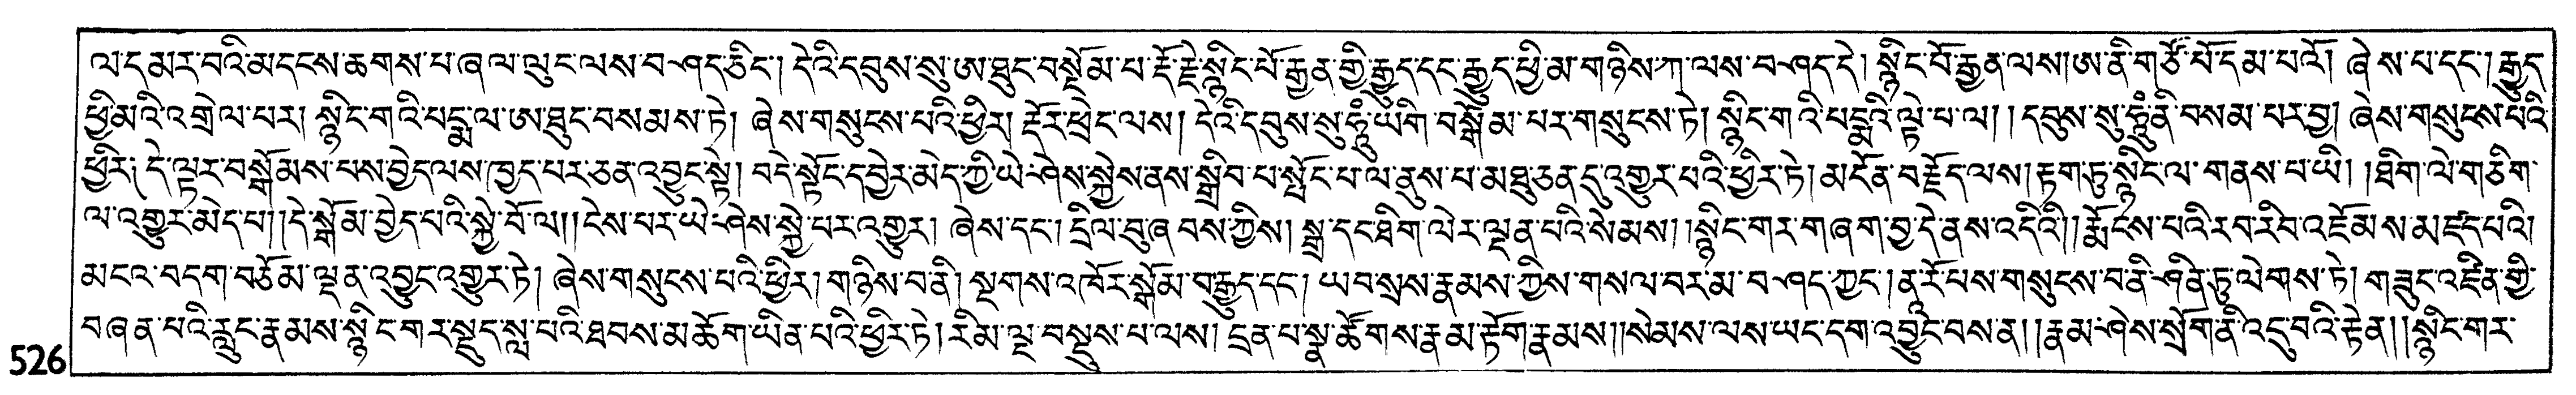ལ་དམར་བའི་མདངས་ཆགས་པ་ཞལ་ལུང་ལས་བཤད་ཅིང་། དེའི་དབུས་སུ་ཨ་ཐུང་བསྡོམ་པ་རྡོ་རྗེ་སྙིང་པོ་རྒྱན་གྱི་རྒྱུད་དང་རྒྱུད་ཕྱི་མ་གཉིས་ཀ་ལས་བཤད་དེ། སྙིང་པོ་རྒྱན་ལས། ཨ་ནི་གཙོ་བོ་དམ་པའོ། ཞེས་པ་དང་། རྒྱུད་
ཕྱི་མའི་འགྲེལ་པར། སྙིང་གའི་པདམ་ལ་ཨ་ཐུང་བསམས་ཏེ། ཞེས་གསུངས་པའི་ཕྱིར། རྡོར་ཕྲེང་ལས། དེའི་དབུས་སུ་ཧཱུཾ་ཡིག་བསྒོམ་པར་གསུངས་ཏེ། སྙིང་གའི་པདམའི་ལྟེ་བ་ལ། །དབུས་སུ་ཧཱུཾ་ནི་བསམ་པར་བྱ། ཞེས་གསུངས་པའི་
ཕྱིར༑ དེ་ལྟར་བསྒོམས་པས་བྱེད་ལས་ཁྱད་པར་ཅན་འབྱུང་སྟེ། བདེ་སྟོང་དབྱེར་མེད་ཀྱི་ཡེ་ཤེས་སྐྱེས་ནས་སྒྲིབ་པ་སྤོང་པ་ལ་ནུས་པ་མཐུ་ཅན་དུ་འགྱུར་བའི་ཕྱིར་ཏེ། མངོན་བརྗོད་ལས། རྟག་ཏུ་སྙིང་ལ་གནས་པ་ཡི། །ཐིག་ལེ་གཅིག་
ལ་འགྱུར་མེད་པ། །དེ་སྒོམ་བྱེད་པའི་སྐྱེ་བོ་ལ། །ངེས་པར་ཡེ་ཤེས་སྐྱེ་པར་འགྱུར། ཞེས་དང་། དྲིལ་བུ་ཞབས་ཀྱིས། སྒྲ་དང་ཐིག་ལེར་ལྡན་པའི་སེམས། །སྙིང་གར་གཞག་བྱ་དེ་ནས་འདིའི། །རྨོངས་པའི་རབ་རིབ་འཇོམས་མཛད་པའི།
མངའ་བདག་བཅོམ་ལྡན་འབྱུང་འགྱུར་ཏེ། ཞེས་གསུངས་པའི་ཕྱིར། གཉིས་པ་ནི། སྔགས་འཁོར་སྒོམ་པ་རྒྱུད་དང་། ཡབ་སྲས་རྣམས་ཀྱིས་གསལ་བར་མ་བཤད་ཀྱང་། ནཱ་རོ་པས་གསུངས་པ་ནི་ཤིན་ཏུ་ལེགས་ཏེ། གཟུང་འཛིན་གྱི་
བཞན་པའི་རླུང་རྣམས་སྙིང་གར་སྡུད་སླ་པའི་ཐབས་མཆོག་ཡིན་པའི་ཕྱིར་ཏེ། རིམ་ལྔ་བསྡུས་པ་ལས། དྲན་པ་སྣ་ཚོགས་རྣམ་རྟོག་རྣམས། །སེམས་ལས་ཡང་དག་འབྱུང་བས་ན། །རྣམ་ཤེས་སྲོག་ནི་འདུ་བའི་རྟེན། །སྙིང་གར་